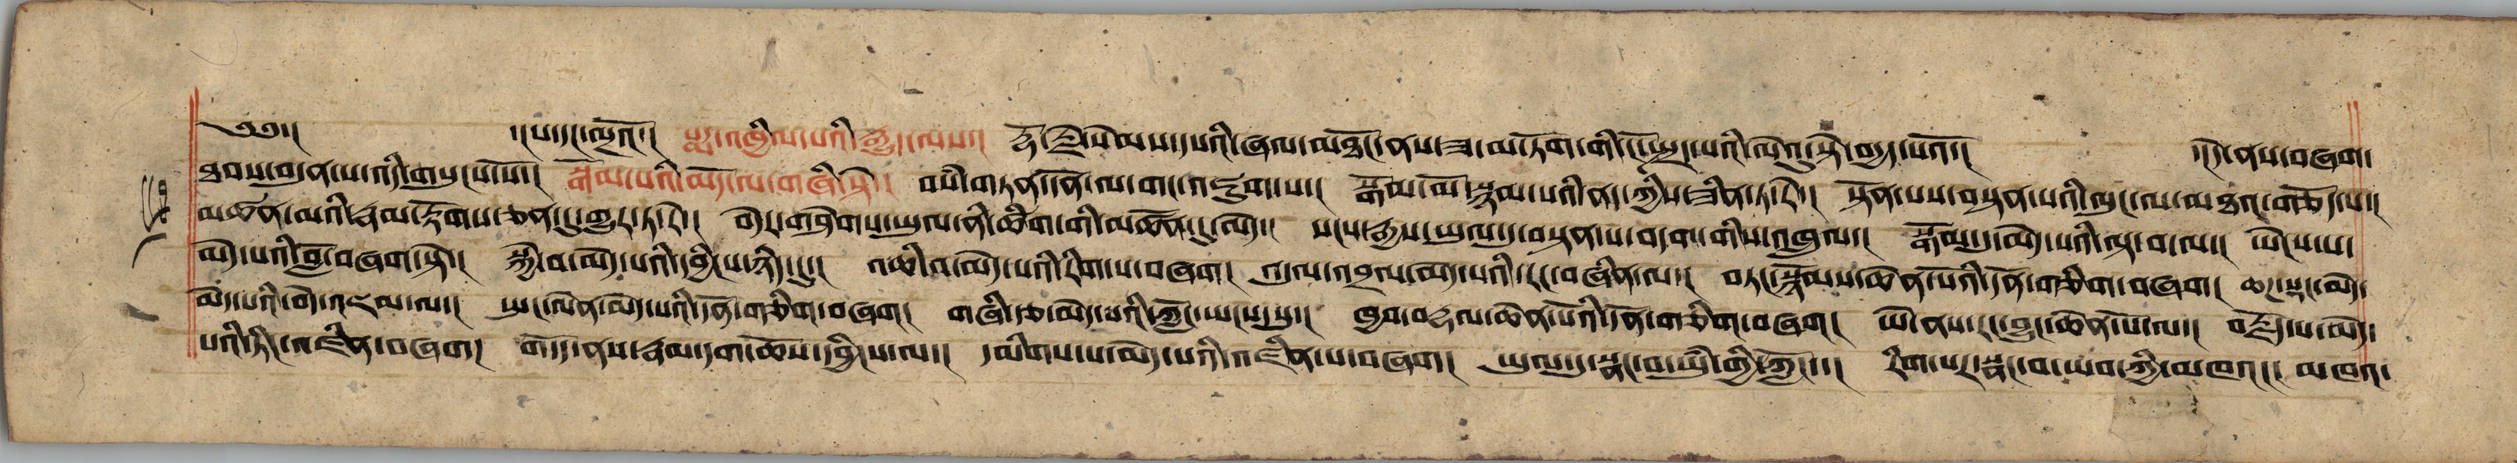༄༅་། ་།པ་དང་ལྔའོ་། པདྨ་འཁྱིལ་པའི་རྒྱུད་ལས་། རྡོ་རྗེ་སེམས་དཔའི་ཞལ་མཐོང་ནས་ཟ་མ་ཏོག་གི་ངོ་སྤྲད་པའི་ལེའུ་སྟེ་བདྱད་པའོ་། ་།དེ་ནས་བཞག་
ཐབས་བདུན་པ་འདི་གསུངས་སོ་། སྒོམ་པའི་མདོ་ལ་གཞི་སྟེ་། བསཾ་གཏན་དོན་ལ་གང་འཇུག་པ་། སྒོམ་མོ་སྙམ་པའི་ནད་ཀྱིས་ཟིན་ཏ་རེ་། སྟོན་པས་བསྟན་པའི་ལུང་ལ་མཐའ་གཅོད་པ་།
མཚན་མའི་རྣམ་རྟོགས་ཅན་དུ་གྱུར་ཏ་རེ་། བདེར་གཤེགས་ཡུལ་ནི་ཚིག་གི་མཚོན་དུ་མེད་། སངས་རྒྱས་ཡུལ་དུ་བསྟན་པ་བདག་གིས་འཁྲུལ་། སྒོམ་དུ་མེད་པའི་ལྟ་བ་ལ་། ཡེངས་པ་
མེད་པའི་བློ་བཞག་སྟེ་། སྐྱེ་བ་མེད་པའི་དབྱིངས་ཉིད་དུ་། འཆི་བ་མེད་པའི་རིག་པ་བཞག། འདུལ་འབྲལ་མེད་པའི་རང་བཞིན་ལ་། བཏང་སྙོམས་ཆེན་པོའི་དོན་གཅིག་བཞག། ཆཌ་སྡང་མེད་
མེད་པའི་བདེ་འཇམ་ལ་། སྤང་ལེན་མེད་པའི་དོན་གཅིག་བཞག། གཞི་རྩ་མེད་པའི་ཀློང་ཡངས་སུ་། ཁྱབ་བརྡལ་ཆེན་པོའི་དོན་གཅིག་བཞག། ཡེ་ནས་རང་བྱུང་ཆེན་པོ་ལ་། བརྗོད་པ་མེད་
པའི་ཏིང་འཛིན་བཞག། གདོད་ནས་རྣམ་དག་ཆོས་དབྱིངས་ལ་། དམིགས་པ་མེད་པའི་འཛིན་པ་བཞག། ཡུལ་དུ་སྣང་བ་ཡུཾ་གྱི་ཀློང་་། རིག་པར་སྣང་བ་ཡབ་ཀྱི་མཁའ།། མཁའ་